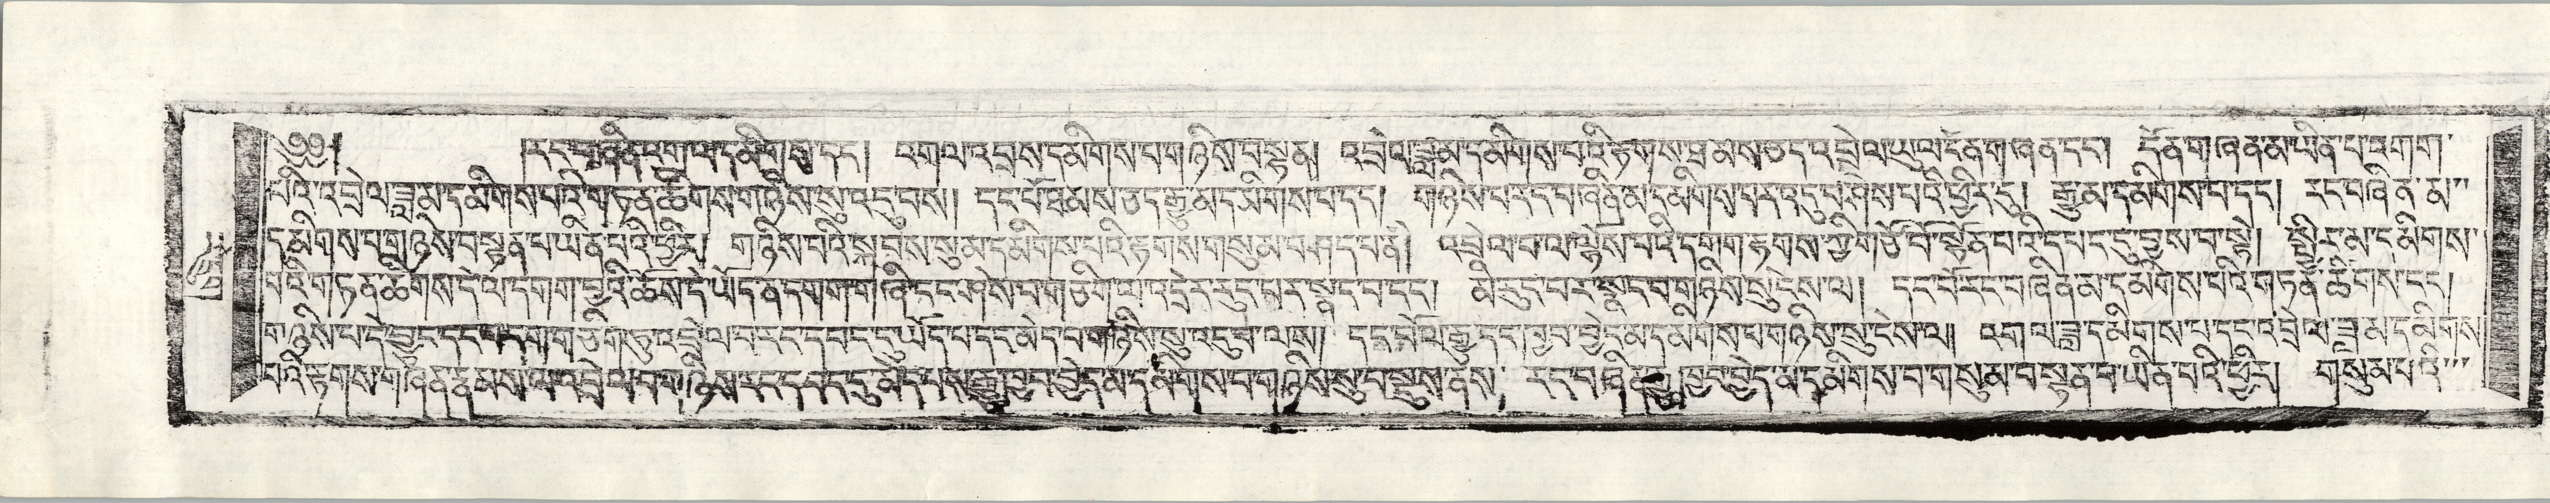༄༅། །རང་བཞིན་འགལ་དམིགས་དང་། འགལ་འབྲས་དམིགས་པ་གཉིས་བསྟན། འབྲེལ་ཟླ་མ་དམིགས་པའི་རྟགས་ཐམས་ཅད་འབྲེལ་ཡུལ་དོན་གཞན་དང་། དོན་གཞན་མ་ཡིན་པ་དགག་
པའི་འབྲེལ་ཟླ་མ་དམིགས་པའི་གཏན་ཚིགས་གཉིས་སུ་འདུ་བས། དང་པོ་ཐམས་ཅད་རྒྱུ་མ་དམིགས་པ་དང་། གཉིས་པ་རང་བཞིན་མ་དམིགས་པར་འདུ་བ་ཤེས་པའི་ཕྱིར་དུ། རྒྱུ་མ་དམིགས་པ་དང་། རང་བཞིན་མ་
དམིགས་པ་གཉིས་བསྟན་པ་ཡིན་པའི་ཕྱིར། གཉིས་པའི་སྐབས་སུ་མ་དམིགས་པའི་རྟགས་གསུམ་བཤད་པ་ནི། འབྲེལ་བ་ལ་ལྟོས་པའི་དགག་རྟགས་ཀྱི་གཙོ་བོ་སྟོན་པའི་དབང་དུ་བྱས་པ་སྟེ། སྤྱིར་མ་དམིགས་
པའི་གཏན་ཚིགས་དེ་ལ་དགག་བྱའི་ཆོས་དེ་ཡོད་ན་དགག་གཞི་དང་ཤེས་པ་གཅིག་ལ་འདྲེར་རུང་བར་སྣང་བ་དང་། མི་རུང་བར་སྣང་བ་གཉིས་སུ་ངེས་ལ། དང་པོ་རང་བཞིན་མ་དམིགས་པའི་གཏན་ཚིགས་དང་།
གཉིས་པ་དེ་བྱུང་དང་བདག་གཅིག་ཏུ་འབྲེལ་བ་རང་དབང་དུ་ཡོད་པ་དང་མེད་པ་གཉིས་སུ་འདུ་བ་ལས། དང་པོ་ལ་རྒྱུ་དང་ཁྱབ་བྱེད་མ་དམིགས་པ་གཉིས་སུ་ངེས་ལ། འགལ་ཟླ་དམིགས་པ་དང་འབྲེལ་ཟླ་མ་དམིགས་
པའི་རྟགས་གཞན་རྣམས་ལ་འབྲེལ་བ་གཉིས་རང་དབང་དུ་མེད་པས་རྒྱུ་ཁྱབ་བྱེད་མ་དམིགས་པ་གཉིས་སུ་བསྡུས་ནས། རང་བཞིན་རྒྱུ་ཁྱབ་བྱེད་མ་དམིགས་པ་གསུམ་བསྟན་པ་ཡིན་པའི་ཕྱིར། གསུམ་པའི་